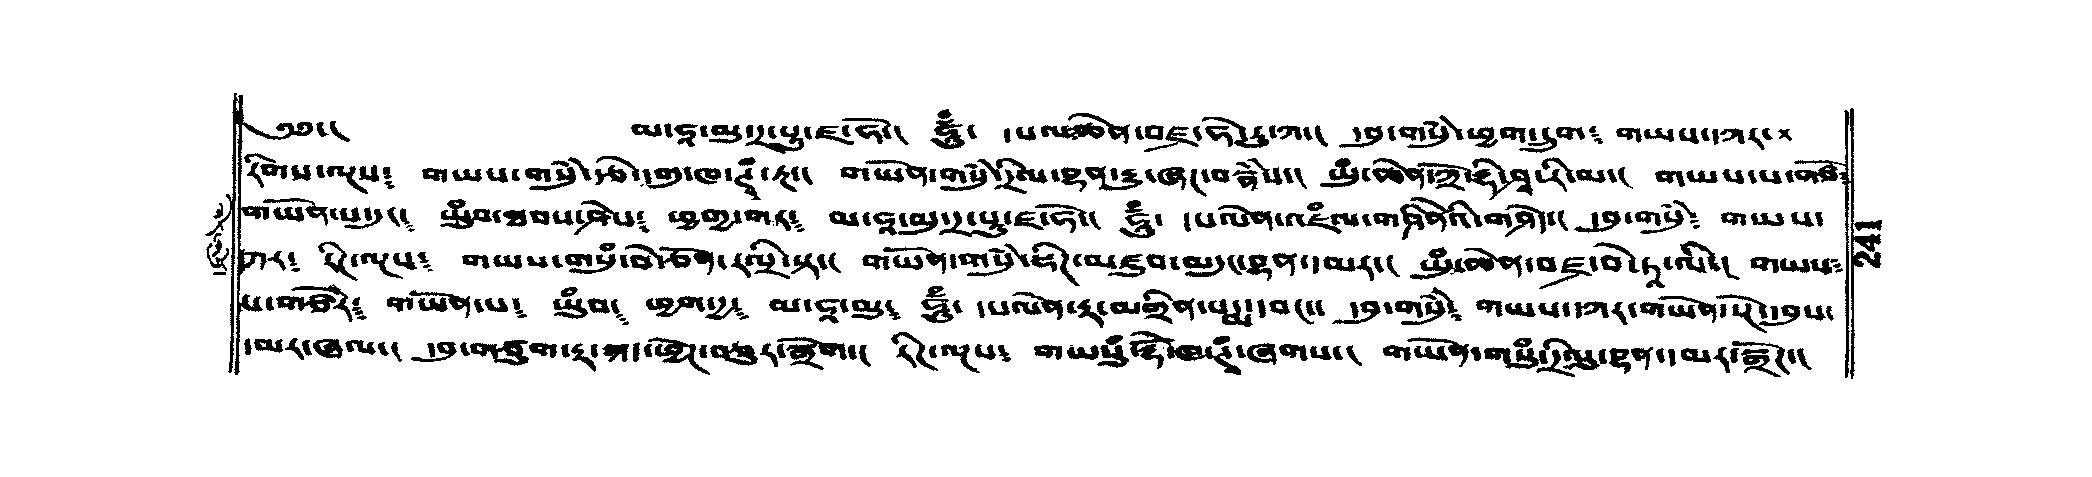མ་ཧཱ་མུ་དྲ་པཱུ་ཛ་ཧོ། ཧཱུྃ། དཔལ་ཆེན་བཛྲ་ཧེ་རུ་ཀ། །དབུ་གསུམ་ཕྱག་དྲུག་༴ གཡད་དཀར་
རིགས་ལྔས་༴ གཡས་གསུམ་རྩེ་དགུ་ཁ་ཊྭཱ་རྔ་། གཡོན་གསུམ་དྲིལ་བྷན་རྒྱུ་ཞགས་བསྣམས་།ཡུམ་ཆེན་ཀྲོ་དྷི་ཤྭ་རིམ། །གཡས་པ་གཙོ་༴ 
གཡོན་པ་དུང་༴ ཡབ་ཡུམ་ཐབས་ཤེས་༴ ཕྱག་རྒྱ་གར་༴ མ་ཧཱ་མུ་དྲ་པཱུ་ཛ་ཧོ། ཧཱུྃ། དཔལ་ལེན་འཇམ་དཔལ་གཤིན་རྗེ་གཤེད། །དབུ་གསུམ་༴ གཡས་
དཀར་༴ རིགས་ལྔས་༴ གཡས་གསུམ་བེ་ཅོན་རལ་གྲི་སྟ། །གཡོན་གསུམ་སྡིགས་མཛུབ་མདུང་བྷན་དམར། །ཡུམ་ཆེན་བཛྲ་བེ་ཏཱ་ལི། །གཡས་
པ་གཙོར་༴ གཡོན་པ་༴ ཡབ་ཡུམ་༴ ཕྱག་རྒྱ་༴ མ་ཧཱ་མུ་༴ ཧཱུྃ། དཔལ་ལེན་རྟ་མགྲིན་པདྨ་དབང་། །དབུ་གསུམ་༴ གཡས་དཀར་གཡོན་སྔོ་དབུས
་དམར་ཞལ། །དབུ་གཙུག་རྟ་སྐད་ཕྱོགས་བཅུར་སྒྲོག་རིགས་ལྔས་༴ གཡས་གསུམ་རྡོ་རྗེ་ཁ་ཊྭཱ་ཞགས། །གཡོན་གསུམ་དྲིལ་བུ་བྷན་དམར་སྒྲོགས། །